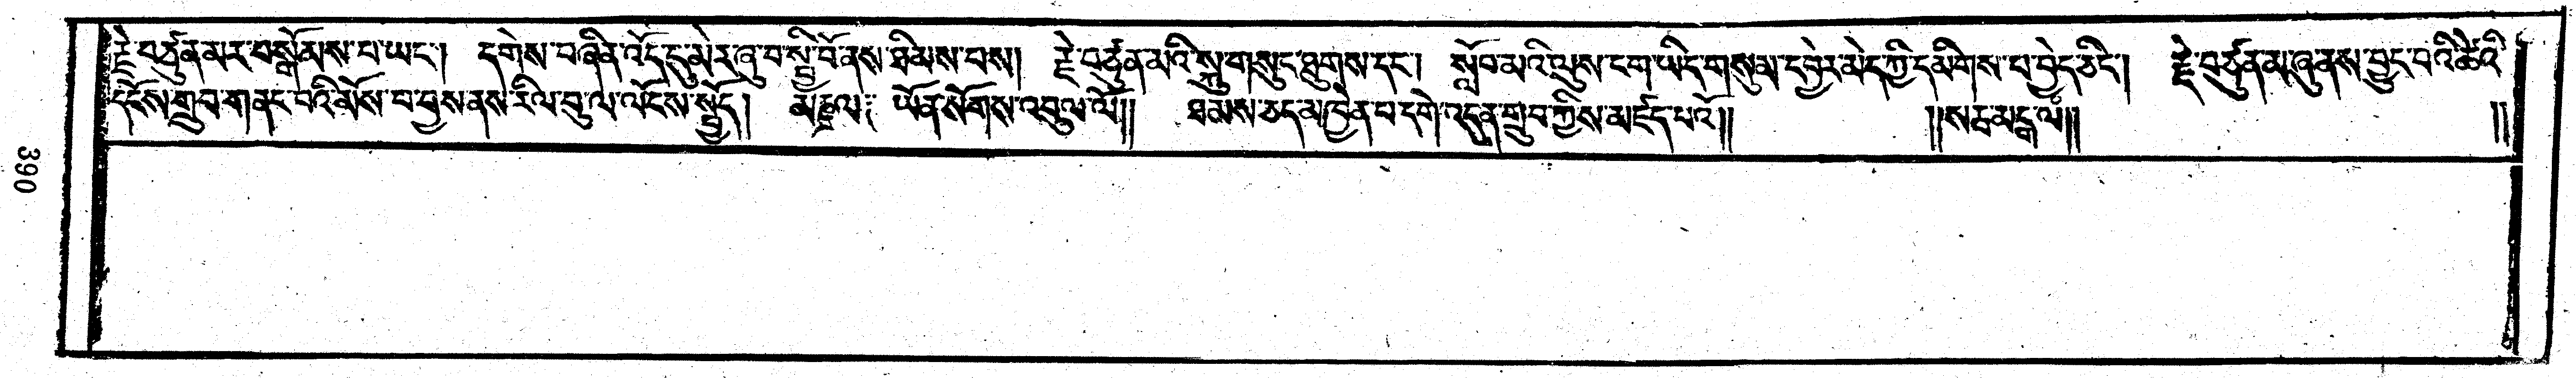རྗེ་བཙུན་མར་བསྒོམས་པ་ཡང་། དགེས་བཞིན་འོད་དུ་མེར་ཞུ་བ་སྦྱི་བོ་ནས་ཐིམས་པས། རྗེ་བཙུན་མའི་སྐུ་གསུང་ཐུགས་དང་། སློབ་མའི་ལུས་ངག་ཡིད་གསུམ་དབྱེར་མེད་ཀྱི་དམིགས་པ་བྱེད་ཅིང་། རྗེ་བཙུན་མ་ཞུ་ནས་བྱུང་བའི་ཚེའི་
དངོས་གྲུབ་གནང་བའི་མོས་པ་བྱས་ནས་རིལ་བུ་ལ་ལོངས་སྤྱོད། མཎྜལ༑ ཡོན་སོགས་འབུལ་ལོ།། ཐམས་ཅད་མཁྱེན་པ་དགེ་འདུན་གྲུབ་ཀྱིས་མཛད་པའོ།། །།སརྦ་མངྒ་ལཾ།། །།